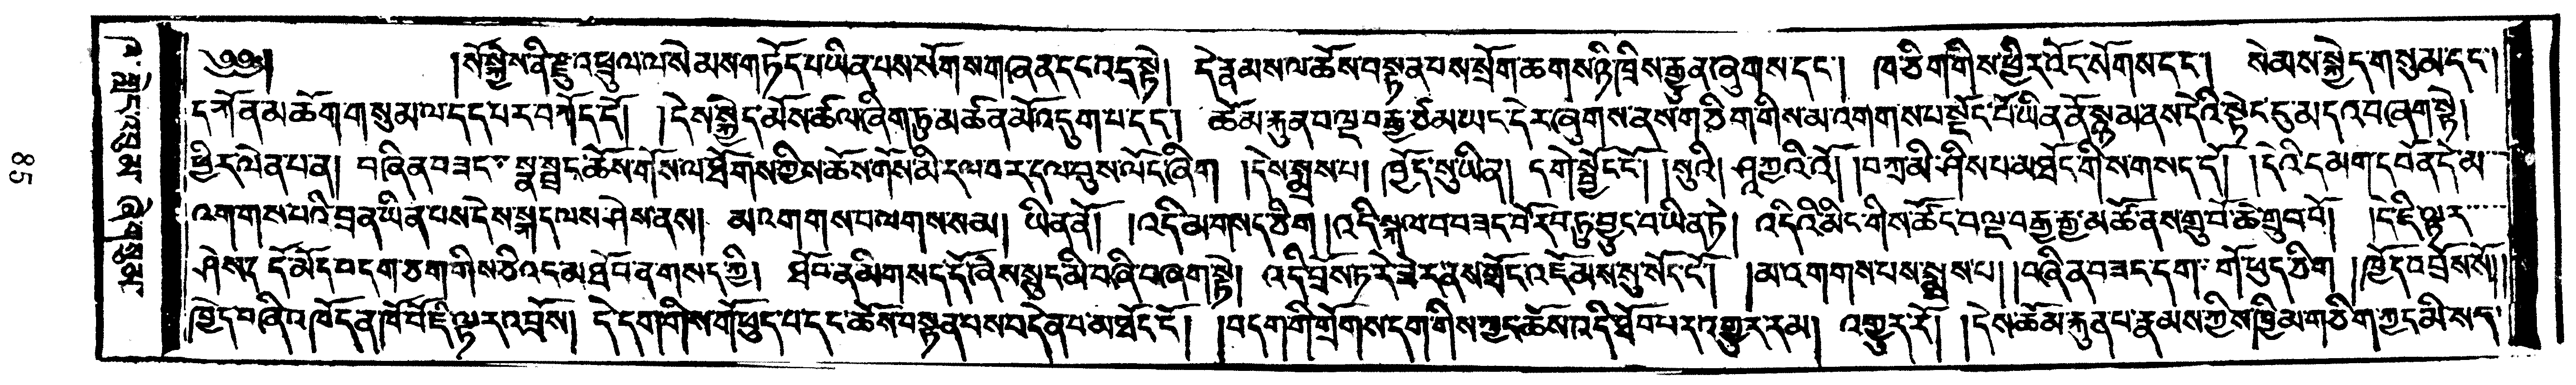༄༅། །སོ་སྐྱེས་ནི་རྫུ་འཕྲུལ་ལ་སེམས་གཏོད་པ་ཡིན་པས་སོགས་གཞན་དང་འདྲ་སྟེ། དེ་རྣམས་ལ་ཆོས་བསྟན་པས་སྲོག་ཆགས་ཉི་ཁྲིས་རྒྱུན་ཞུགས་དང་། ཁ་ཅིག་གིས་ཕྱིར་འོད་སོགས་དང་། སེམས་སྐྱེད་གསུམ་དང་།
དཀོན་མཆོག་གསུམ་ལ་དད་པར་བཀོད་དོ། །དེས་སྐྱེད་མོས་ཚལ་ཞིག་ཏུ་མཚན་མོ་འདུག་པ་དང་། ཆོམ་རྐུན་བ་ལྔ་བརྒྱ་ཙམ་ཡང་དེར་ཞུགས་ནས་གཅིག་གིས་མ་འགགས་པ་སྡོང་པོ་ཡིན་ནོ་སྙམ་ནས་དེའི་སྟེང་དུ་མདའ་བཞག་སྟེ།
ཕྱིར་ལེན་པ་ན། བཞིན་བཟང༑ སྣ་སྦྲང་ཆོས་གོས་ལ་ཐོགས་ཀྱིས་ཆོས་གོས་མི་རལ་བར་དལ་བུས་ལོང་ཞིག །དེས་སྨྲས་པ། ཁྱོད་སུ་ཡིན། དགེ་སྦྱོང་ངོ། །སུའི། ཤཱཀྱའི་འོ། །བཀྲ་མི་ཤིས་པ་མཐོང་གིས་གསད་དོ། །དེའི་དམག་དབོན་དེ་མ་
འགགས་པའི་བྲན་ཡིན་པས་དེས་སྐད་ལས་ཤེས་ནས། མ་འགགས་པ་ལགས་སམ། ཡིན་ནོ། །འདི་མ་གསད་ཅིག །འདི་སྐལ་བ་བཟང་བོ་རབ་ཏུ་བྱུང་བ་ཡིན་ཏེ། འདིའི་མིང་གིས་ཚོང་བ་ལྔ་བརྒྱ་རྒྱ་མཚོ་ནས་གྲུ་བོ་ཆེ་གྲུབ་བོ། །དེ་ཇི་ལྟར་
ཤེས༑ དོ་མོད་བདག་ཅག་གིས་ཅིའང་མ་ཐོབ་ན་གསད་ཀྱི། ཐོབ་ན་མི་གསད་དོ་ཞེས་སྲུང་མི་བཞི་བཞག་སྟེ། འདི་བྲོས་ཏ་རེ་ཟེར་ནས་གྲོང་འཇོམས་སུ་སོང་ངོ། །མ་འགགས་པས་སྨྲས་པ། །བཞིན་བཟང་དག༑ གོ་ཕུད་ཅིག །ཁྱོད་འབྲོས་སོ།།
ཁྱེད་བཞི་འཁོད་ན་ཁོ་བོ་ཇི་ལྟར་འབྲོས། དེ་དག་གིས་གོ་ཕུད་པ་དང་ཆོས་བསྟན་པས་བདེན་བ་མཐོང་ངོ། །བདག་གི་གྲོགས་དག་གིས་ཀྱང་ཆོས་འདི་ཐོབ་པར་འགྱུར་རམ། འགྱུར་རོ། །དེས་ཆོམ་རྐུན་པ་རྣམས་ཀྱིས་ཁྱིམ་གཅིག་ཀྱང་མི་སད་